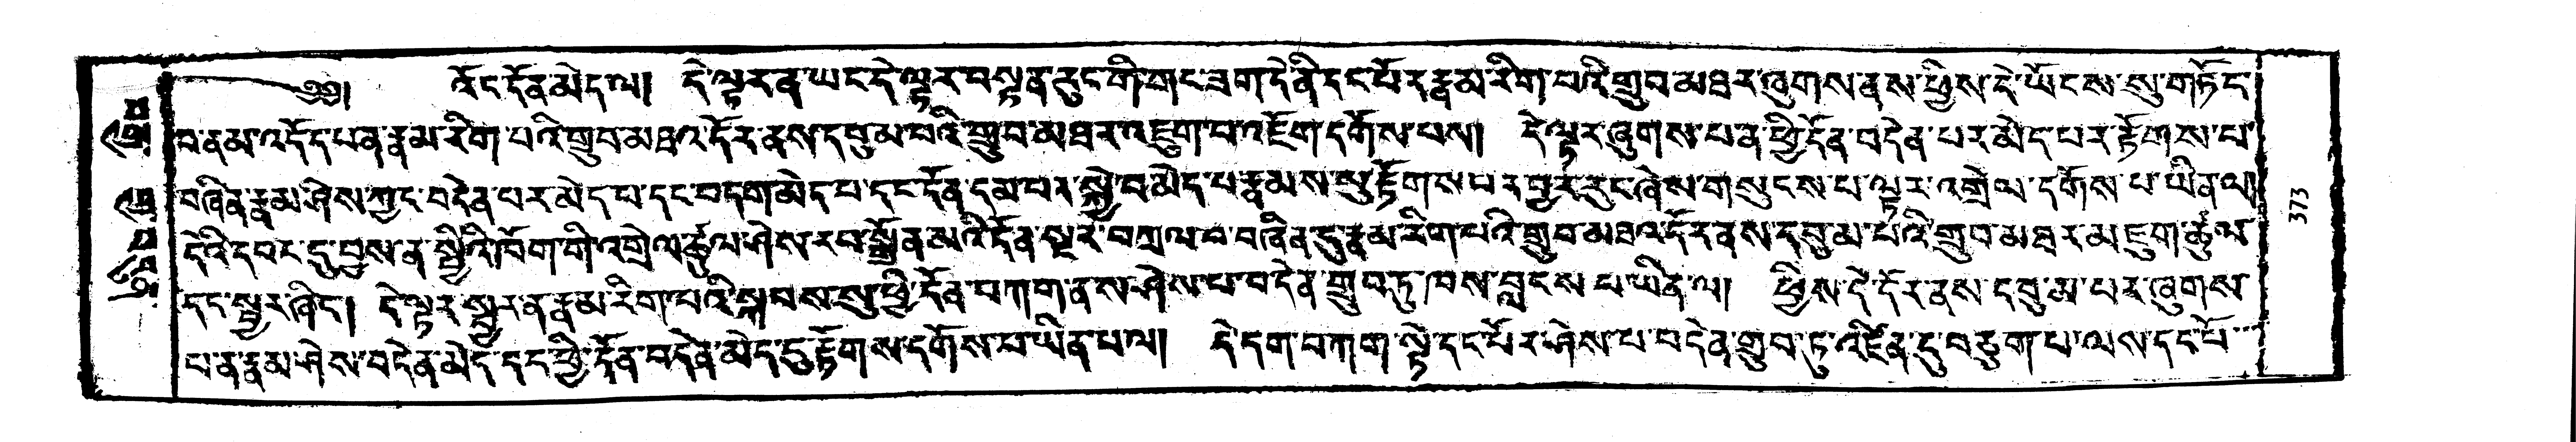༄༅། །འོང་དོན་མེད་ལ། དེ་ལྟར་ན་ཡང་དེ་ལྟར་བསྟན་རུང་གི་གང་ཟག་དེ་ནི་དང་པོར་རྣམ་རིག་པའི་གྲུབ་མཐར་ཞུགས་ནས་ཕྱིས་དེ་ཡོངས་སུ་གཏོང་
བ་ནམ་འདོད་པ་ན་རྣམ་རིག་པའི་གྲུབ་མཐའ་དོར་ནས་དབུ་མ་པའི་གྲུབ་མཐར་འཇུག་པ་འཇོག་དགོས་པས། དེ་ལྟར་ཞུགས་པ་ན་ཕྱི་དོན་བདེན་པར་མེད་པར་རྟོགས་པ་
བཞིན་རྣམ་ཤིས་ཀྱང་བདེན་པར་མེད་པ་དང་བདག་མེད་པ་དང་དོན་དམ་པར་སྐྱེ་བ་མེད་པ་རྣམས་སུ་རྟོགས་པར་བྱར་རུང་ཞེས་གསུངས་པ་ལྟར་འགྲེལ་དགོས་པ་ཡིན་ལ།
དེའི་དབང་དུ་བྱས་ན་སྤྱིའི་ཁོག་གི་འགྲེལ་ཚུལ་ཤེས་རབ་སྒྲོན་མའི་དོན་སྔར་བཀྲལ་བ་བཞིན་དུ་རྣམ་རིག་པའི་གྲུབ་མཐའ་དོར་ནས་དབུ་མ་པའི་གྲུབ་མཐར་མཇུག་ཚུལ་
དང་སྦྱར་ཞིང་། དེ་ལྟར་སྦྱར་ན་རྣམ་རིག་པའི་སྐབས་སུ་ཕྱི་དོན་བཀག་ན་ས་ཤེས་པ་བདེན་གྲུབ་ཏུ་ཁས་བླངས་པ་ཡིན་ལ། ཕྱིས་དེ་དོར་ནས་དབུ་མ་པར་ཞུགས་
པ་ན་རྣམ་ཤེས་བདེན་མེད་དང་ཕྱི་དོན་བདེན་མེད་དུ་རྟོགས་དགོས་པ་ཡིན་པ་ལ། དེ་དག་བཀག་སྟེ་དང་པོར་ཤེས་པ་བདེན་གྲུབ་ཏུ་འཛིན་དུ་བཅུག་པ་ལས་དང་པོ་